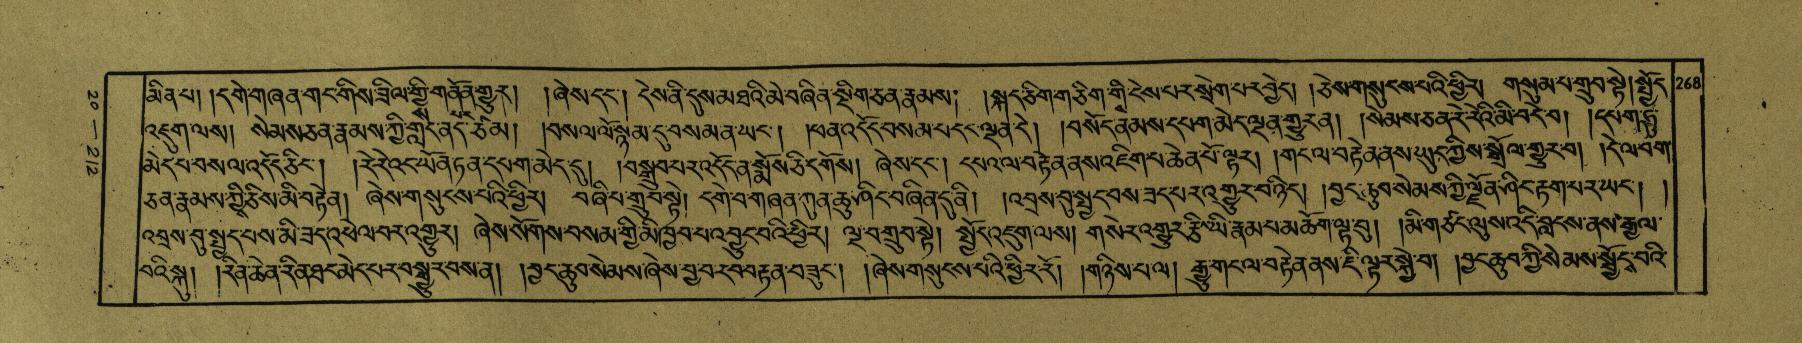མིན་པ། །དགེ་གཞན་གང་གིས་ཟིལ་གྱིས་གནོན་གྱུར། །ཞེས་དང་། དེས་ནི་དུས་མཐའི་མེ་བཞིན་སྡིག་ཅན་རྣམས། །སྐད་ཅིག་གཅིག་གིས་ངེས་པར་སྲེག་པར་བྱེད། །ཅེས་གསུངས་པའི་ཕྱིར། གསུམ་པ་གྲུབ་སྟེ། སྤྱོད་
འཇུག་ལས། སེམས་ཅན་རྣམས་ཀྱི་གླང་ནད་ཙམ། །བསལ་ལོ་སྙམ་དུ་བསམ་ན་ཡང་། །ཕན་འདོད་བསམ་པ་དང་ལྡན་དེ། །བསོད་ནམས་དཔག་མེད་ལྡན་གྱུར་ན། །སེམས་ཅན་རེ་རེའི་མི་བདེ་བ། །དཔག་ཏུ་
མེད་པ་བསལ་འདོད་ཅིང་། །རེ་རེའང་ཡོན་ཏན་དཔག་མེད་དུ། །བསྒྲུབ་པར་འདོད་ན་སྨོས་ཅི་དགོས། ཞེས་དང་། དཔའ་ལ་བརྟེན་ནས་འཇིག་པ་ཆེན་པོ་ལྟར། །གང་ལ་བརྟེན་ནས་ཡུད་ཀྱིས་སྒྲོལ་གྱུར་བ། །དེ་ལ་བབ།
ཅན་རྣམས་ཀྱིས་ཅིས་མི་བརྟེན། ཞེས་གསུངས་པའི་ཕྱིར། བཞི་པ་གྲུབ་སྟེ། དགེ་བ་གཞན་ཀུན་ཆུ་ཤིང་བཞིན་དུ་ནི། ། འབྲས་བུ་སྤྱད་པས་ཟད་པར་འགྱུར་བ་ཉིད། །བྱང་ཆུབ་སེམས་ཀྱི་ལྗོན་ཤིང་རྟག་པར་ཡང་། །
འབྲས་བུ་སྤྱད་པས་མི་ཟད་འཕེལ་བར་འགྱུར། ཞེས་སོགས་བསམ་གྱི་མི་ཁྱབ་པ་འབྱུང་བའི་ཕྱིར། ལྔ་བ་གྲུབ་སྟེ། སྤྱོད་འཇུག་ལས། གསེར་འགྱུར་རྩི་ཡི་རྣམ་པ་མཆོག་ལྟ་བུ། །མི་གཙང་ལུས་འདི་བླངས་ནས་རྒྱལ་
བའི་སྐུ། །རིན་ཆེན་རིན་ཐང་མེད་པར་བསྒྱུར་བས་ན། །བྱང་ཆུབ་སེམས་ཞེས་བྱ་བ་རབ་བརྟན་བཟུང་། །ཞེས་གསུངས་པའི་ཕྱིར་རོ། །གཉིས་པ་ལ། རྒྱུ་གང་ལ་བརྟེན་ནས་ཇི་ལྟར་སྐྱེ་བ། །བྱང་ཆུབ་ཀྱི་སེམས་སྦྱོངས་བའི་